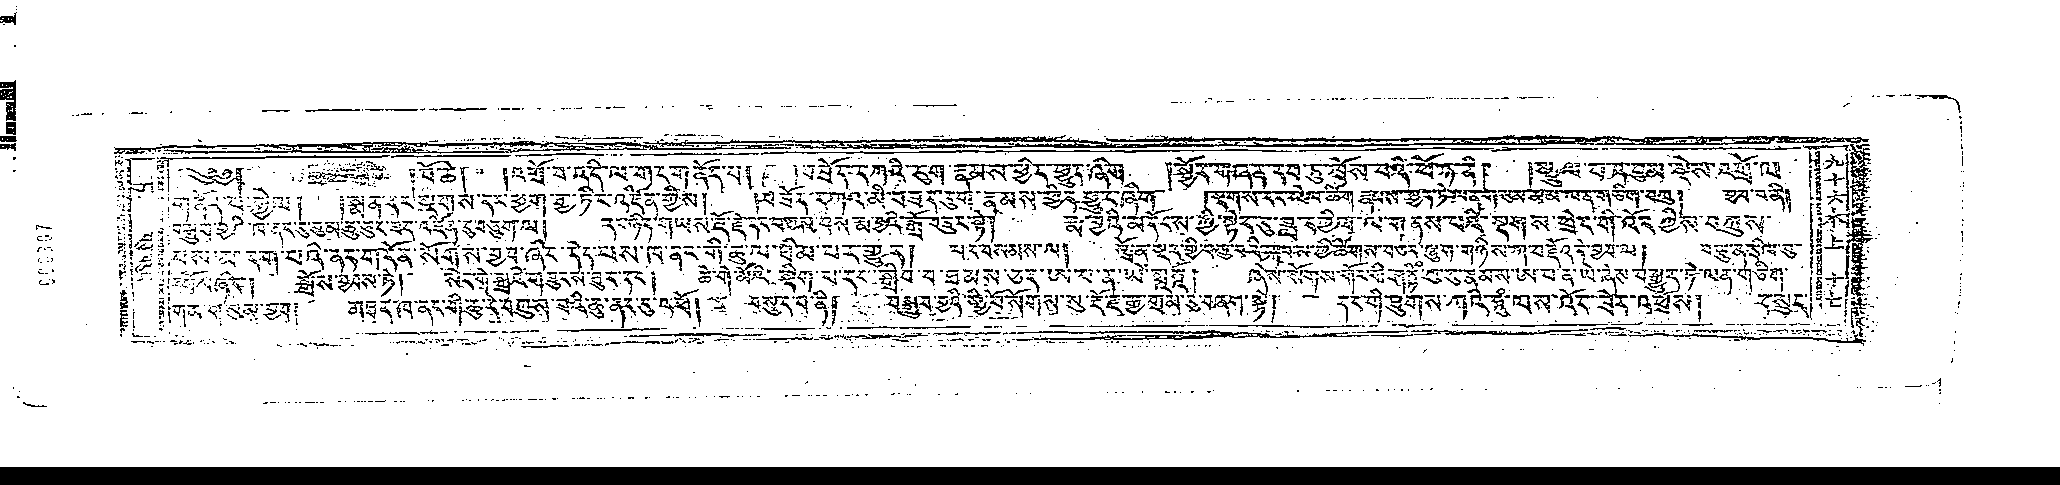༄༅། །བོ་ཆེ། །འགྲོ་བ་འདི་ལ་གང་གནོད་པ། །བཟོད་དཀའི་དུག་རྣམས་ཕྱིར་ཕྱུང་ཞིག །སྦྱོར་གཞན་རབ་ཏུ་ཁྲོས་པའི་ཕོ་ཉ་ནི། །སྤྲུལ་པ་འབུམ་སྡེས་འགྲོ་ལ་
གནོད་པ་སྐྱེ་ལ། །སྨན་དང་སྔགས་དང་ཕྱག་རྒྱ་ཏིང་འཛིན་གྱིས། །བཟོད་དཀའ་མི་བཟོད་དུག་རྣམས་ཕྱིར་ཕྱུང་ཞིག །སྔགས་དང་སྦེལ་ཚིག་རྣམས་སྦྱར་ཏེ་ལན་གསུམ་མམ་ལན་གཅིག་བཀྲུ། བྱབ་པ་ནི།
བསྒྲུབ་བྱའི་ཁ་ནང་དུ་བུམ་ཆུ་ཅུང་ཟད་འཛིན་དུ་བཅུག་ལ། རང་ཉིད་གཡས་རྡོ་རྗེ་དང་བཅས་པས་རྨ་བྱའི་སྒྲོ་བཟུང་སྟེ། རྨ་བྱའི་མདོངས་ཀྱི་སྟེང་དུ་ཟླ་དཀྱིལ་ལ་གནས་པའི་སྔགས་ཕྲེང་གི་འོད་ཀྱིས་བཀྲུས་
པས་མ་དག་པའི་ནད་གདོན་སོགས་བྱ་བ་ཞིང་དེད་པས་ཁ་ནང་གི་ཆུ་ལ་ཐིམ་པར་གྱུར། བར་བསམས་ལ། སྤོན་སྔར་གྱི་བཀྲུ་པའི་སྐབས་ཀྱི་ཚིགས་བཅད་སྡུག་གཉིས་ཀ་བརྗོད་དེ་བྱ་བ་ལ། བསྡུན་དྲིལ་བུ་
དཀྲོལ་ཞིང་། སྒྲོས་བྱ་བས་ཏེ། སེང་གེ་སྒྲའི་གཟུངས་ཐུང་དང་། ཆེ་གེ་མོའི་སྡིག་པ་དང་སྒྲིབ་པ་ཐམས་ཅད་ཨ་པ་ན་ཡེ་སྭཱཧཱ། ཞེས་སོགས་གོང་གི་ཤནྟིཾ་ཀུ་རུ་རྣམས་ཨ་པ་ན་ཡེ་ཞེས་བསྒྱུར་ཏེ་ལན་གཅིག་
གམ་གསུམ་བྱ་བ། མཐར་ཁ་ནང་གི་ཆུ་དེ་བསྐྲུས་པའི་ཆུ་ནང་དུ་འཕོ། བསྲུང་བ་ནི། བསྒྲུབ་བྱའི་སྤྱི་བོ་སོགས་སུ་རྡོ་རྗེ་རྒྱ་གྲམ་དུ་བཞག་སྟེ། རང་གི་ཐུགས་ཀའི་ཧཱུཾ་ལས་འོད་ཟེར་འཕྲོས། བསྲུང་